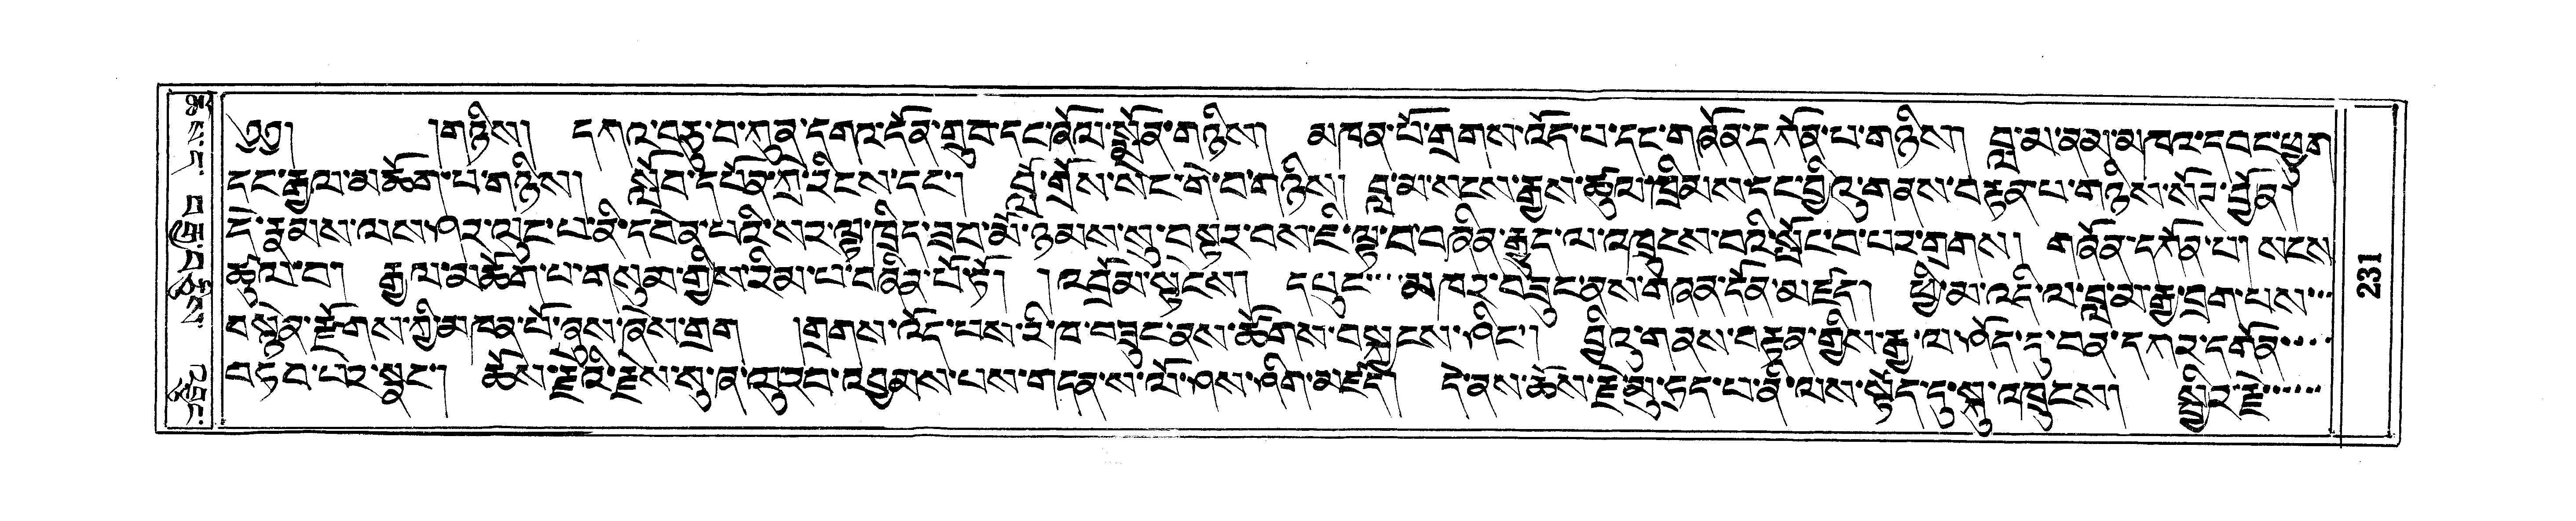༄༅། །གཉིས། དཀའ་བཅུ་བ་ཀུན་དགའ་དོན་གྲུབ་དང་ཞོལ་སྨོན་གཉིས། མཁན་པོ་གྲགས་འོད་པ་དང་གཞོན་དཀོན་པ་གཉིས། བླ་མ་ནམ་མཁའ་དབང་ཕྱུག་
དང་རྒྱལ་མཆོག་པ་གཉིས། སློབ་དཔོན་ཀྲི་རིངས་དང་། བློ་གྲོས་སེང་གེ་བ་གཉིས། བླ་མ་སངས་རྒྱས་ཚུལ་ཁྲིམས་དང་བྱིའུ་གནས་བརྟན་པ་གཉིས་སོཊ་བྱོན།
དེ་རྣམས་ལས་ཤར་ལུང་པ་ནི་དབེན་པའི་སར་ལྟ་ཁྲིད་ཟབ་མོ་ཉམས་སུ་བསྟར་བས་ཇི་ལྟ་བ་བཞིན་རྒྱུད་ལ་འཁྲུངས་བའི་སྤོང་བ་པར་གྲགས། གཞོན་དཀོན་པ། སངས་
ཚུལ་བ། རྒྱལ་མཆོག་པ་གསུམ་གྱིས་རིམ་པ་བཞིན་པོ་ཏོ། །འབྲོམ་སྟེངས། དཔུང་མཁར་བཟུང་ནས་གཞན་དོན་མཛད། ཕྱི་མ་འདི་ལ་བླ་མ་རྒྱ་བྲག་པས་
བསྙེན་རྫོགས་ཀྱི་མཁན་པོ་ཞུས་ཞེས་གྲག །གྲགས་འོད་པས་རི་ཁ་བཟུང་ནས་ཚོགས་བསྐྱངས་ཤིང་། བྱིའུ་གནས་བརྟན་གྱིས་རྒྱ་ལ་ཤོད་དུ་བན་དཀར་དགོན་
བཏབ་པར་སྣང་། ཆོས་རྗེའི་རྗེས་སུ་ཞ་ལུ་རབ་འབྱམས་པས་གདན་ས་ལོ་ཤས་ཤིག་མཛད། དེ་ནས་ཆོས་རྗེ་མུ་ཏྲུད་པ་ནི་ལས་སྟོད་དུ་སྐུ་འཁྲུངས། སྤྱིར་རྗེ་